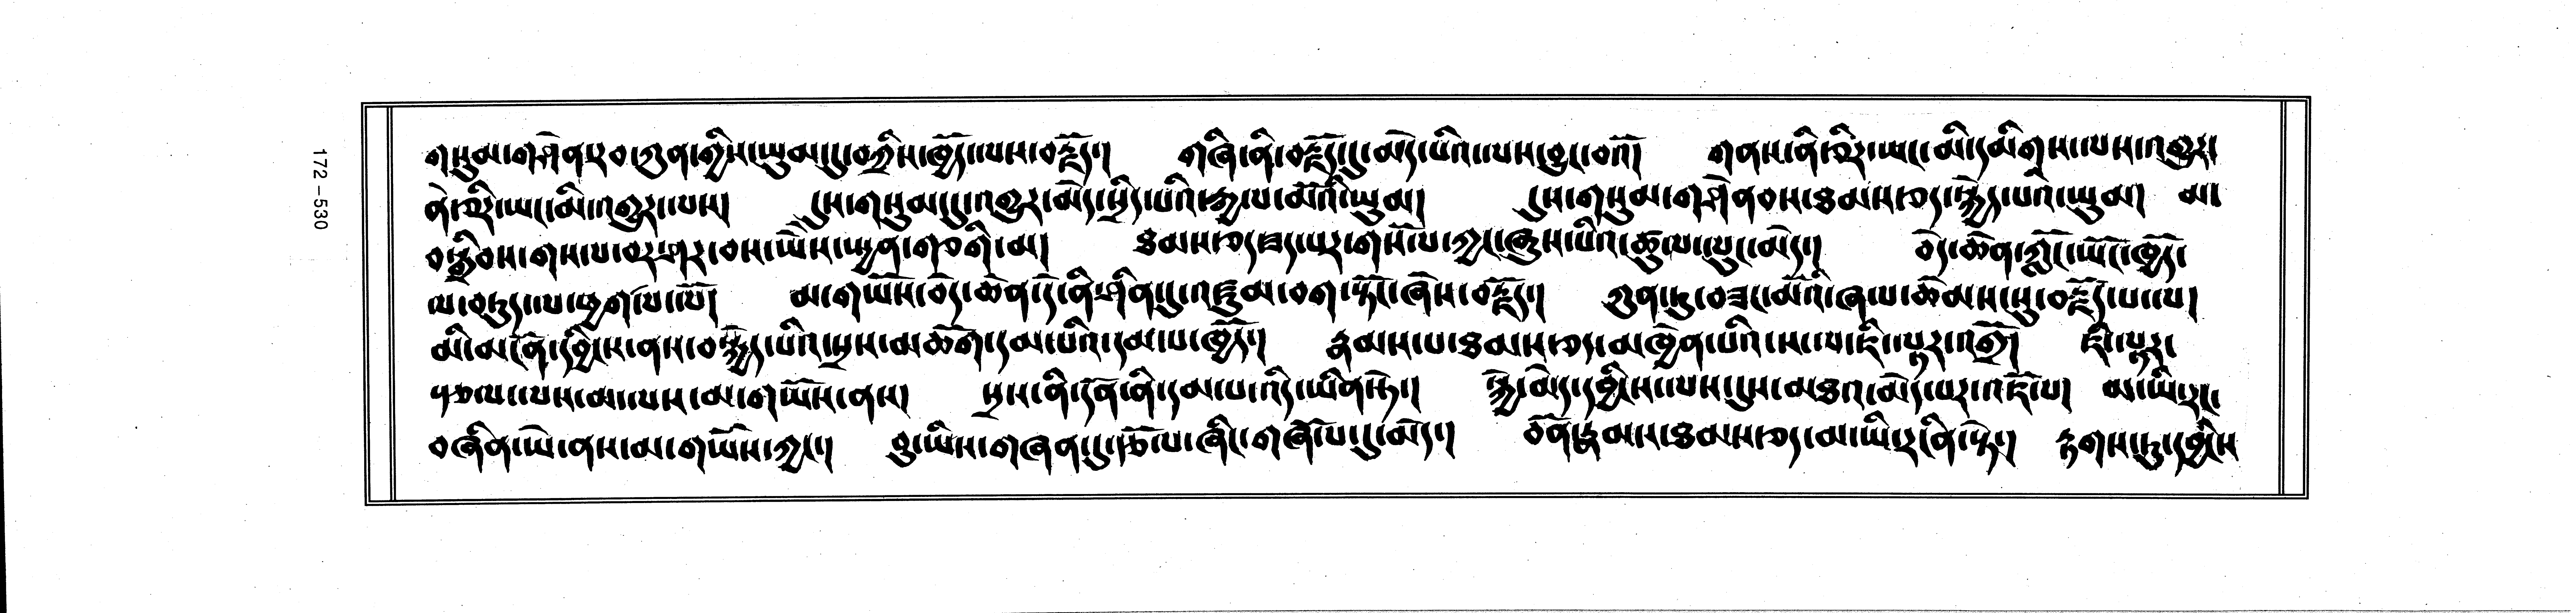གསུམ་གཤེན་རབ་ཀུན་གྱིས་ཡུམ་དུ་བཀྲ་ཤིས་ཁྱོད་ལས་བརྗོད། གཞི་ནི་བརྗོད་དུ་མེད་པའི་ལས་བྱུང་བའོ། གནས་ནི་ཅིར་ཡང་མི་དམིགས་ལས་འགྱུར་
ནེ་ནི་ཅིར་ཡང་མི་འགྱུར་ལས། དུས་གསུམ་དུ་འགྱུར་མེད་སྲིད་པའི་རྒྱལ་མོའི་ཡུམ། དུས་གསུམ་གཤེན་རབ་ཐམས་ཅད་སྐྱེད་པའི་ཡུམ། མ་
བསྒྲིབས་གསལ་བར་ཤར་བས་ཡེས་ཤེས་སྤྱན་གཅིག་མ། ཐམས་ཅད་ཟད་པར་གསོལ་ཀྱང་ཞུས་པའི་ཚུལ་ལུང་མེད། བདེ་ཆེན་ཀློང་ཡོང་ཁྱོད་
ལ་བཏུད་ལ་ཕྱག་འཚལ་ལོ། མ་གཡོས་བདེ་ཆེན་དེ་ནི་ཤིན་དུ་འཛུམ་བག་སྟོང་ཞེས་བརྗོད། ཀུན་ཏུ་བཟང་མོའི་ཞལ་ཆེམས་སུ་བརྗོད་པ་ལ། 
མི་མངོན་དབྱིངས་ནས་བསྐྱེད་པའི་སྲས་མཆོག་དམ་པའི་དམ་པ་ཁྱོད། རྣམས་པ་ཐམས་ཅད་མཁྱེན་པའི་ས་ལ་ཇི་ལྟར་འགྲོ། ཇི་ལྟར་
རྩལ་ལས་མ་ལས་མ་གཡོས་ནས། སྲས་ནི་དོན་ནི་དམ་པ་འདི་ཡིན་ཏེ། སྐྱེ་མེད་དབྱིངས་ལས་དུས་མཐའ་མེད་པར་འཇོལ། མ་ཡི་རང་
བཞིན་ཡེ་ནས་མ་གཡོས་ཀྱང་། བུ་ཡིས་གཞན་དུ་རྩོལ་ཞིང་གཞོལ་དུ་མེད། བོན་རྣམས་ཐམས་ཅད་མ་ཡི་རང་བཞིན་སྟེ། རྟགས་ཏུ་དབྱིངས་